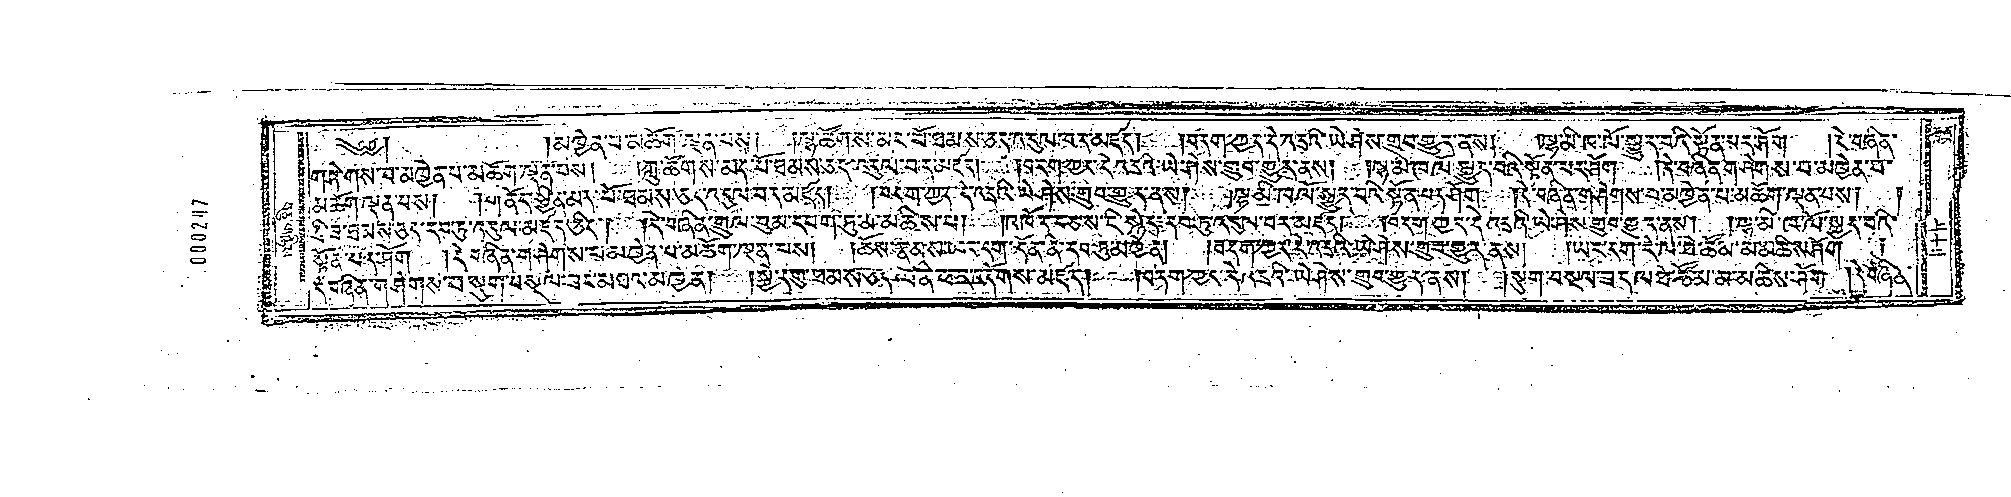༄༅། །མཁྱེན་པ་མཆོག་ལྡན་པས། །ལྷ་ཚོགས་མང་པོ་ཐམས་ཅད་འདུལ་བར་མཛད། །བདག་ཀྱང་དེ་འདྲའི་ཡེ་ཤེས་གྲུབ་གྱུར་ནས། །ལྷ་མི་ཁ་ལོ་སྒྱུར་བའི་སྟོན་པར་ཤོག །དེ་བཞིན་
གཤེགས་བ་མཁྱེན་པ་མཆོག་ལྡན་པས། །ཀླུ་ཚོགས་མང་པོ་ཐམས་ཅད་འདུལ་བར་མཛད། །བདག་ཀྱང་དེ་འདྲའི་ཡེ་ཤེས་གྲུབ་གྱུར་ནས། །ལྷ་མི་ཁ་ལོ་སྒྱུར་བའི་སྟོན་པར་ཤོག །དེ་བཞིན་གཤེགས་པ་མཁྱེན་བ་
མཆོག་ལྡན་པས། །གནོད་སྦྱིན་མང་པོ་ཐམས་ཅད་འདུལ་བར་མཛད། །བདག་ཀྱང་དེ་འདྲའི་ཡེ་ཤེས་གྲུབ་གྱུར་ནས། །ལྷ་མི་ཁ་ལོ་སྒྱུར་བའི་སྟོན་པར་ཤོག །དེ་བཞིན་གཤེགས་པ་མཁྱེན་པ་མཆོག་ལྡན་པས། །
དྲི་བ་ཐམས་ཅད་རབ་ཏུ་འདུལ་མཛད་ཅིང་། །དེ་བཞིན་གྲུལ་བུམ་དཔག་ཏུ་མ་མཆིས་པ། །འཁོར་བཅས་ཇི་སྙེད་རབ་ཏུ་འདུལ་བར་མཛད། །བདག་ཀྱང་དེ་འདྲའི་ཡ་ཤེས་གྲུབ་གྱུར་ནས། །ལྷ་མི་ཁ་ལོ་སྒྱད་བའི་
སྟོན་པར་ཤོག །དེ་བཞིན་གཤེགས་པ་མཁྱེན་པ་མཆོག་ལྡན་པས། །ཆོས་རྣམས་ཡང་དག་དོན་ནི་རབ་ཏུ་མཁྱེན། །བདག་ཀྱང་དེ་འདྲའི་ཡེ་ཤེས་གྲུབ་གྱུར་ནས། །ཡང་དག་དེ་ལ་ཐེ་ཚོམ་མ་མཆིས་ཤོག །
དེ་བཞིན་གཤེགས་པ་སྡུག་བསྔལ་ཟད་མཐའ་མཁྱེན། །སྐྱེ་དགུ་ཐམས་ཅད་ལ་ནི་ཕན་འདོགས་མཛད། །བདག་ཀྱང་དེ་འདྲའི་ཡེ་ཤེས་གྲུབ་གྱུར་ནས། །སྡུག་བསྔལ་ཟད་ལ་ཐེ་ཚོམ་མ་མཆིས་ཤོག །དེ་བཞིན་